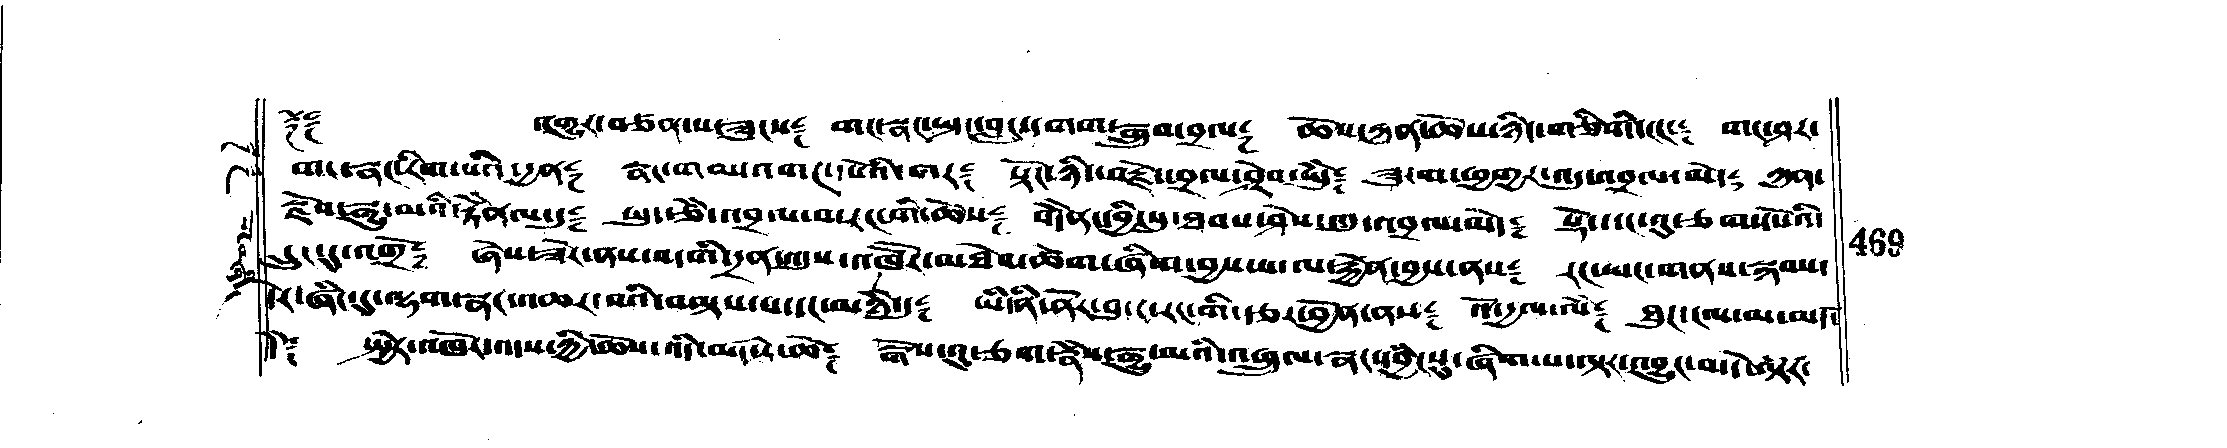འགྱུར་བཙན་ས་ཟུངས། །གང་སྣང་སྤང་བླང་དགག་སྒྲུབ་བྲལ། །ཆོས་ཀུན་ཆོས་ཉིད་གཅིག་གི་ངང་། །གང་ཤར་
གང་སྣང་རིག་པའི་རྒྱན། །སྣང་བ་མ་འགགས་དཔེ་ཡི་གར། །སྟོང་ཉིད་བརྗོད་བྲལ་ཤེས་རབ་ཡུམ། །ཟུང་འཇུག་ཕྱག་རྒྱར་འདུ་འབྲལ་མེད། །ཀུན་
རྫོབ་སྒྱུ་མའི་རྟེན་འབྲེལ་དུ། །ཡུད་ཙམ་འབྲལ་བ་རང་གི་ཆོས། །བདེ་ཆེན་དབྱིངས་སུ་ཐབས་ཤེས་འདུ་འབྲལ་མེད། །སྡོད་དང་འུ་ཅག་དཔལ་མོའི་༼དཔའ་བོའི་?༽
དྲུང་དུ་འགྲོ། །ཞེས་ཟེར་ནས་བདག་གི་དྲན་འདུས་འཁོར་ལོར་མཐེབ་ཚེག་ཞིག་བྱས་པ་ལ་རྐྱེན་བྱས་ནས། རང་ཡང་གནས་སྐབས་
དེར་ཞིང་དུ་ལྷག་སྣང་འཆར་བའི་བལྟས་པ་དང་མཉམ་དུ། ཡིད་བཞིན་ནོར་བུ་ང་རང་གི་རྩར་བྱོན་ནས། འོ་རྒྱལ་ལམ། ཐུགས་ངལ་མ་མཛད་
དམ། སྤྱིར་འཁོར་འདས་ཀྱི་ཆོས་འདི་མཚང་རེ་ཆེ། སྒོས་འུ་ཅག་རྣམས་སྒྱུ་མའི་འཕྲུལ་སྣང་དབྱིངས་སུ་ཞིག་པ་ལྟར་བྱུང་བ་དེ་ལྟར་